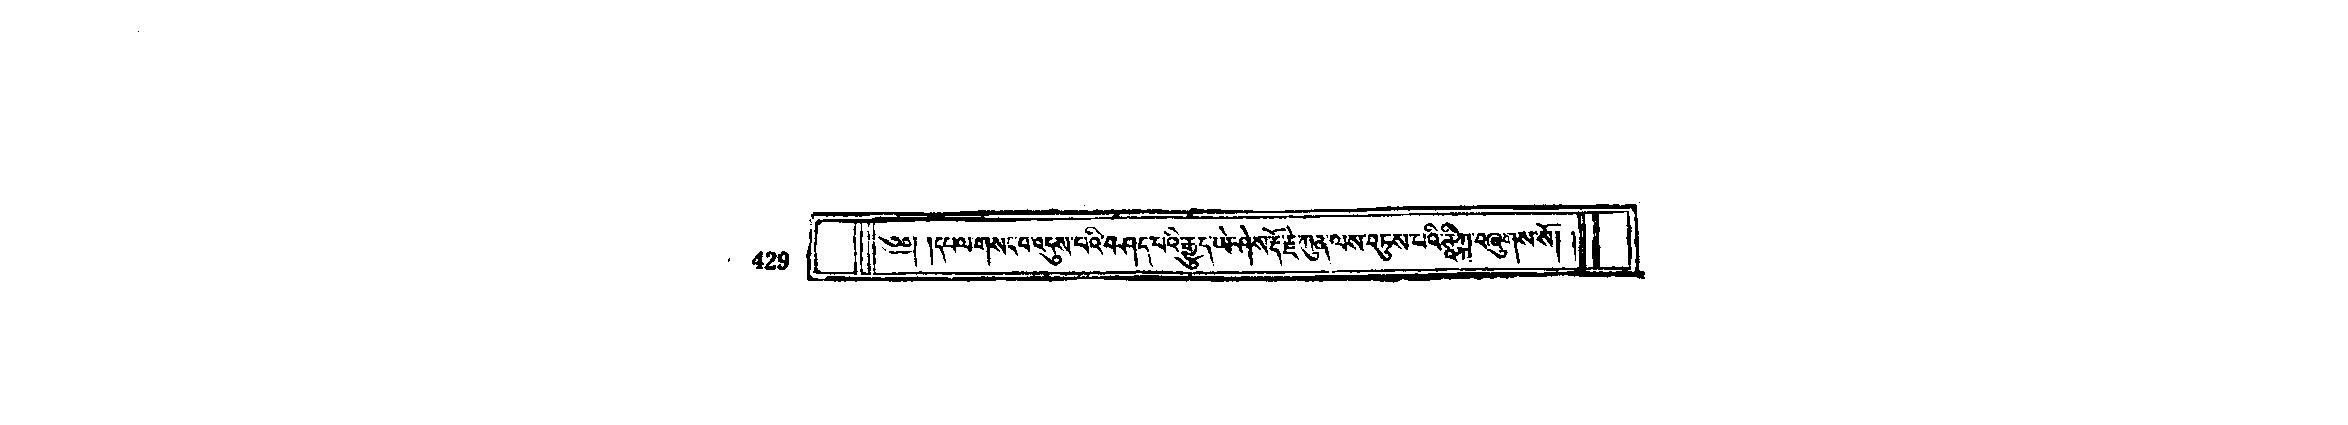༄༅། །དཔལ་གསང་བ་འདུས་པའི་བཤད་པའི་རྒྱུད་ཡེ་ཤེས་རྡོ་རྗེ་ཀུན་ལས་བཏུས་པའི་ཊཱིཀྐ་བཞུགས་སོ། །